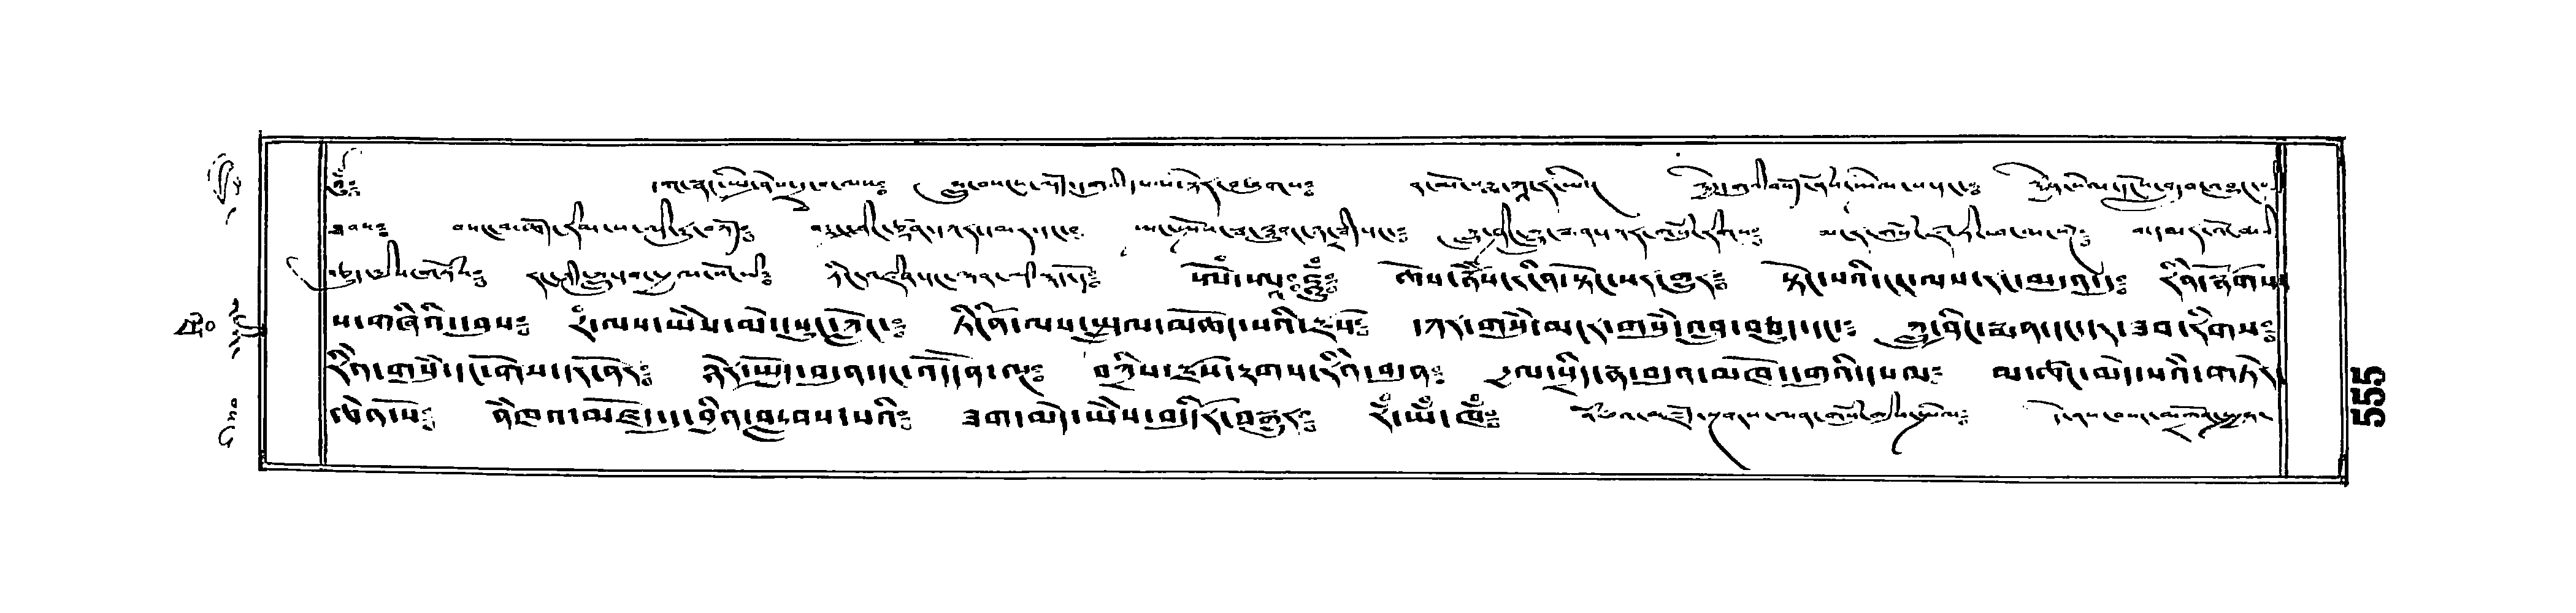དག་སྣང་ཡེ་ཤེས་དྲྭ་པ་ལས༔ ཀླུ་བསངས་འདོད་དགུའི་དཔལ་སྟེར་བཞུགས༔ ན་མོ་པདྨ་ཀཱ་ར་ཡེ༔ སྐྱེ་དགུའི་བསོད་ནམས་སྤེལ་བ་དང༔ རྐྱེན་སེལ་དངོས་གྲུབ་འབྱུང་བའི་
ཐབས༔ བསང་མཆོད་རིམ་པ་འདི་རུ་བཀོད༔ བཟང་ཤིང་ཙན་ལྡན་དཀར་དམར་དང༔ སྤང་སྤོས་སྦ་སྙུག་ཉ་སྦྲིད་དང༔ ཀླུ་ཤིང་ཀླུ་སྨན་དཀར་གསུམ་རིགས༔ མངར་གསུམ་ཛ་ཏི་ཕ་ལ་སོགས༔ བ་དམར་འོ་མའི་
བཅུད་ཀྱིས་གཏམས༔ རང་ཉིད་ཀླུ་དབང་རྒྱལ་པོ་ཡི༔ ཏིང་འཛིན་དང་ལྡན་འདི་སྐད་དོ༔ ཨོཾ་ཨཱཿཧཱུྃ༔ ཆོས་རྣམས་རང་བཞིན་སྟོང་པར་གྱུར༔ སྟོང་པའི་ངང་ལས་རང་མདུན་དུ༔ རིན་ཆེན་སྣ་ཚོགས་
ས་གཞིའི་དབུས༔ རཾ་ལས་ཡེ་ཤེས་མེ་དཔུང་ཀློང༔ ཏིང་འཛིན་ལས་སྤྲུལ་མཆོད་པའི་རྫས༔ དཀར་གསུམ་མངར་གསུམ་འབྲུ་བཅུད་དང༔ ཀླུ་ཤིང་སྨན་དང་དར་ཟབ་རིགས༔ 
རིན་ཆེན་གསུམ་དང་གོས་དར་ནོར༔ ཉེར་སྤྱོད་བདུན་དང་འདོད་དོན་ལྔ༔ བཀྲ་ཤིས་རྫས་རྟགས་རིན་ཆེན་བདུན༔ རྒྱལ་སྲིད་སྣ་བདུན་མཁོ་དགུའི་དཔལ༔ མ་ཚང་མེད་པའི་གཏེར་
ཆེན་པོ༔ ནམ་མཁའ་མཛོད་དུ་བྱིན་བརླབས་པའི༔ ཟག་མེད་ཡེ་ཤེས་བདུད་རྩིེར་བསྒྱུར༔ རྃ་ཡྃ་ཁྃ༔ ནམ་མཁའ་མཛོད་སྔགས་ལན་གསུམ་གྱིས་སྤེལ༔ དེ་བས་བསང་མགྲོན་སྤྱན་